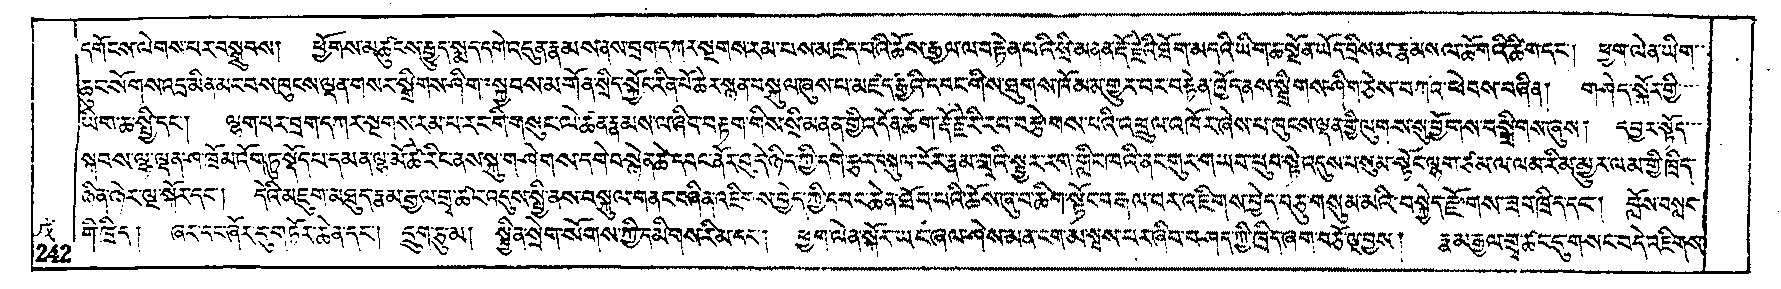དགོངས་ལེགས་པར་བསྒྲུབས། ཕྱོགས་མཚུངས་རྒྱུད་སྨད་དགེ་འདུན་རྣམས་ནས་བྲག་དཀར་སྔགས་རམ་པས་མཛད་པའི་ཆོས་རྒྱལ་ལ་བརྟེན་པའི་སྲི་མནན་རྡོ་རྗེའི་ཐོག་མདའི་ཡིག་ཆ་སྔོན་ཡོད་བྲིས་མ་རྣམས་ལ་ཆོ་གའི་ཚིག་དང་། ཕྱག་ལེན་ཡིག་
ཆུང་སོགས་འདྲ་མིན་མང་བས་ཁུངས་ལྡན་གསར་སྒྲིགས་ཤིག་༧སྐྱབས་མགོན་སྲིད་སྐྱོང་རིན་པོ་ཆེར་སྙན་བསྐུལ་ཞུས་པ་མཛད་རྒྱའི་དབང་གིས་ཐུགས་ཁོམ་མ་གྱུར་བར་བརྟེན་ཁྱོད་ནས་སྒྲིགས་ཤིག་ཅེས་བཀའ་ཕེབས་བཞིན། གཤེད་སྐོར་གྱི་
ཡིག་ཆ་སྤྱི་དང་། ལྷག་པར་བྲག་དཀར་སྔགས་རམ་པ་རང་གི་གསུང་ལེ་ཚན་རྣམས་ལ་ཞིབ་བརྟག་གིས་སྲི་མནན་གྱི་འདོན་ཆོག་རྡོ་རྗེ་རི་རབ་བརྩེགས་པའི་འཕྲུལ་འཁོར་ཞེས་པ་ཁུངས་ལྡན་གྱི་ལུགས་སུ་ཕྱོགས་བསྒྲིགས་ཞུས། དབྱར་སྟོད་
སྐབས་ལྷ་ལྡན་ཤ་ཁྲོམ་འོག་ཏུ་སྡོད་པ་དམན་ལྷ་མོ་ཚེ་རིང་ནས་སྐུ་གཤེགས་དགེ་བསྙེན་ཚེ་དབང་ནོར་བུ་དེ་ཉིད་ཀྱི་དགེ་རྩར་བསྐུལ་ངོར་རྣམ་གྲྭའི་སྦྱར་རག་གླིང་ཁའི་ནང་གུར་གཡབ་ཕུབ་སྟེ་འདུས་པ་སུམ་སྟོང་ལྷག་ཙམ་ལ་ལམ་རིམ་མྱུར་ལམ་གྱི་ཁྲིད་
ཉིན་ཉེར་ལྔ་སྐོར་དང་། དེའི་མཇུག་མཐུད་རྣམ་རྒྱལ་གྲྭ་ཚང་འདུས་སྤྱི་ནས་བསྐུལ་གནང་བཞིན་འཇིགས་བྱེད་ཀྱི་དབང་ཆེན་ཐོབ་པའི་ཆོས་ཞུ་བ་ཆིག་སྟོང་བརྒལ་བར་འཇིགས་བྱེད་བཅུ་གསུམ་མའི་བསྐྱེད་རྫོགས་ཟབ་ཁྲིད་དང་། བློས་བསླང་
གི་ཁྲིད། ཞར་དང་ཞོར་དུ་གཏོར་ཆེན་དང་། དྲུག་ཅུ་མ། སྦྱིན་སྲེག་སོགས་ཀྱི་དམིགས་རིམ་དང་། ཕྱག་ལེན་སྐོར་ཡང་ཞལ་ཤེས་མན་ངག་མ་སྦས་པར་ཞིབ་བཤད་ཀྱི་ཁྲིད་ཞག་བཅོ་ལྔ་བྱས། རྣམ་རྒྱལ་གྲྭ་ཚང་དུ་གསང་བདེ་འཇིགས་